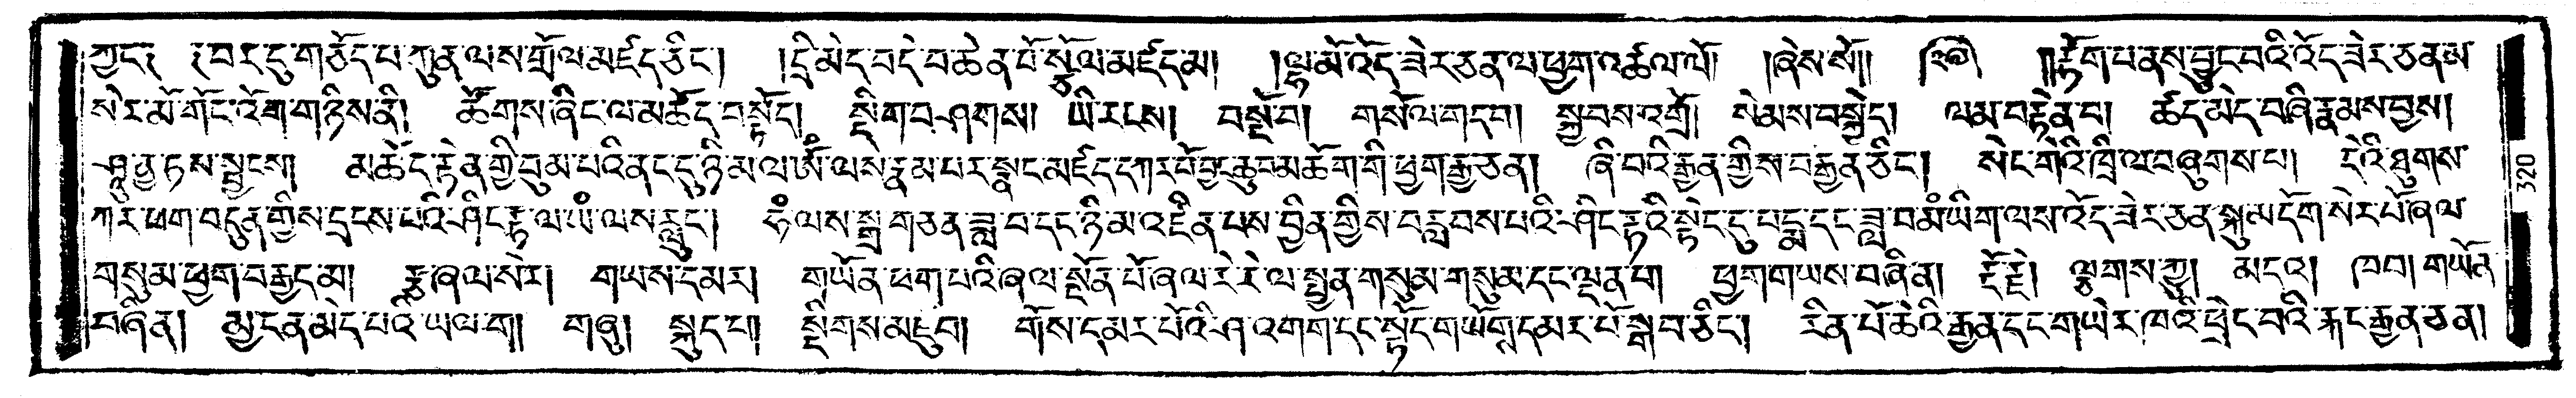ཀྱང༑ ༑བར་དུ་གཅོད་པ་ཀུན་ལས་གྲོལ་མཛད་ཅིང་། །དྲི་མེད་བདེ་བ་ཆེན་པོ་སྩོལ་མཛད་མ། །ལྷ་མོ་འོད་ཟེར་ཅན་ལ་ཕྱག་འཚལ་ལོ། །ཞེས་སོ།། ༢༩?་།།རྟོག་པ་ནས་བྱུང་བའི་འོད་ཟེར་ཅན་མ་
སེར་མོ་གོང་འོག་གཉིས་ནི། ཚོགས་ཞིང་ལ་མཆོད་བསྟོད། སྡིག་བཤགས། ཡི་རངས། བསྔོ་བ། གསོལ་གདབ། སྐྱབས་འགྲོ། སེམས་བསྐྱེད། ལམ་བརྟེན་བ། ཚད་མེད་བཞི་རྣམས་བྱས།
ཤཱུ་ནྱ་ཏས་སྦྱངས། མཆོད་རྟེན་གྱི་བུམ་པའི་ནང་དུ་ཉི་མ་ལ་ཨོཾ་ལས་རྣམ་པར་སྣང་མཛད་དཀར་པོ་བྱང་ཆུབ་མཆོག་གི་ཕྱག་རྒྱ་ཅན། ཞི་བའི་རྒྱན་གྱིས་བརྒྱན་ཅིང་། སེང་གེའི་ཁྲི་ལ་བཞུགས་པ། དེའི་ཐུགས་
ཀར་ཕག་བདུན་གྱིས་དྲངས་པའི་ཤིང་རྟ་ལ་ཡཾ་ལས་རླུང་། ཧཾ་ལས་སྒྲ་གཅན་ཟླ་བ་དང་ཉི་མ་འཛིན་པས་བྱིན་གྱིས་བརླབས་པའི་ཤིང་རྟའི་སྟེང་དུ་པདམ་དང་ཟླ་བ་མཾ་ཡིག་ལས་འོད་ཟེར་ཅན་སྐུ་མདོག་སེར་པོ་ཞལ་
གསུམ་ཕྱག་བརྒྱད་མ། རྩ་ཞལ་སེར། གཡས་དམར། གཡོན་ཕག་པའི་ཞལ་སྔོན་པོ་ཞལ་རེ་རེ་ལ་སྤྱན་གསུམ་གསུམ་དང་ལྡན་པ། ཕྱག་གཡས་བཞི་ན། རྡོ་རྗེ། ལྕགས་ཀྱུ། མདའ། ཁབ། གཡོན་
བཞིན། མྱ་ངན་མེད་པའི་ཡལ་ག། གཞུ། སྐུད་པ། སྡིགས་མཛུབ། གོས་དམར་པོའི་ཤ་འགག་དང་སྟོང་གཡོགས་དམར་པོ་སྒབ་ཅིང་། རིན་པོ་ཆེའི་རྒྱན་དང་གཡེར་ཁའི་ཕྲེང་བའི་རྐང་རྒྱན་ཅན།